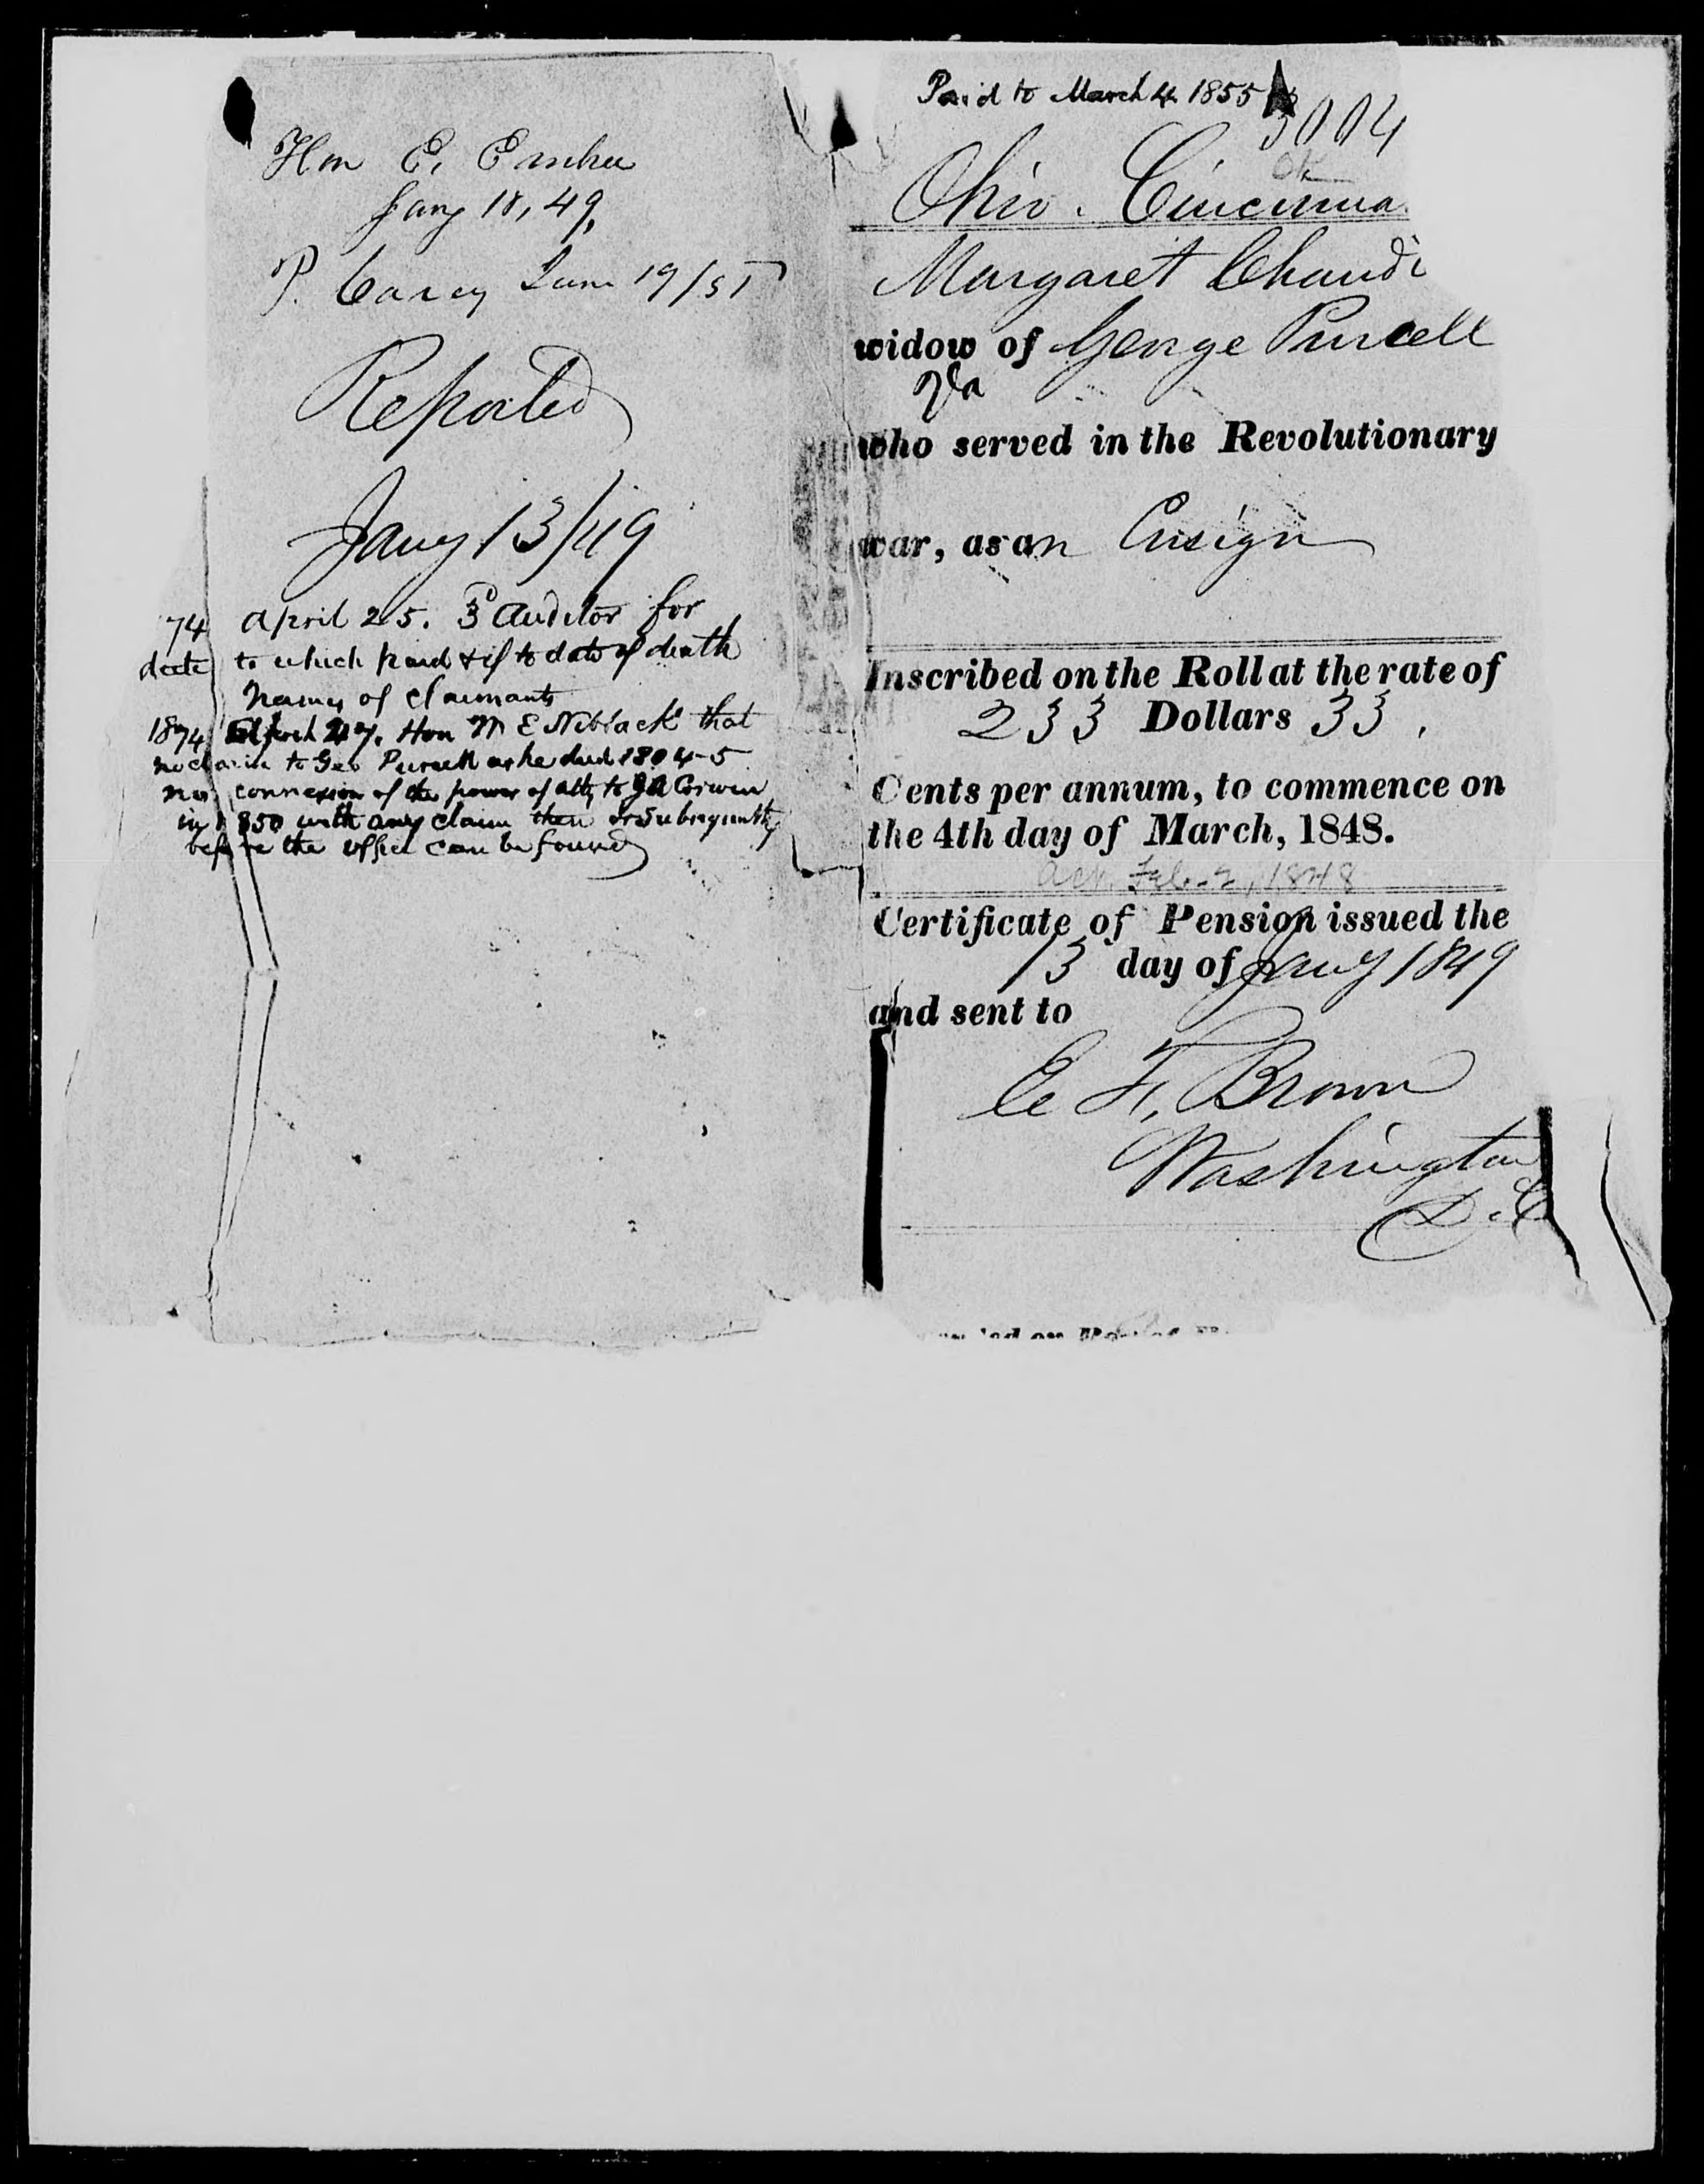Hon E. Emhee
Jany 18, 49,
P. Carey Jan 19/51
Reported
Jany 13/49
74 April 25. 3d Auditor for
date to which paid & if to date of death
Names of Claimants
1874 April 27, Hon W E McHack that
no claim to Geo Purcell as he died 1804-5
No connexion of the power of atty to J A Corwin
in 1850 with any claim then & Subsequently
before the Office can be found

Paid to March 4 1855
3004
Ohio. Cincinnati
Margaret Chandler
widow of George Purcell
Va
who served in the Revolutionary
war, as an Ensign

Inscribed on the Roll at the rate of
233 Dollars 33.
Cents per annum, to commence on
the 4th day of March, 1848.
Act Feb - 2, 1848

Certificate of Pension issued the
13 day of Jany 1849
and sent to
E. F. Brown
Washington
D.C.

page: 2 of 86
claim: widow's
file: W. 6661, for George Purcell, Virginia